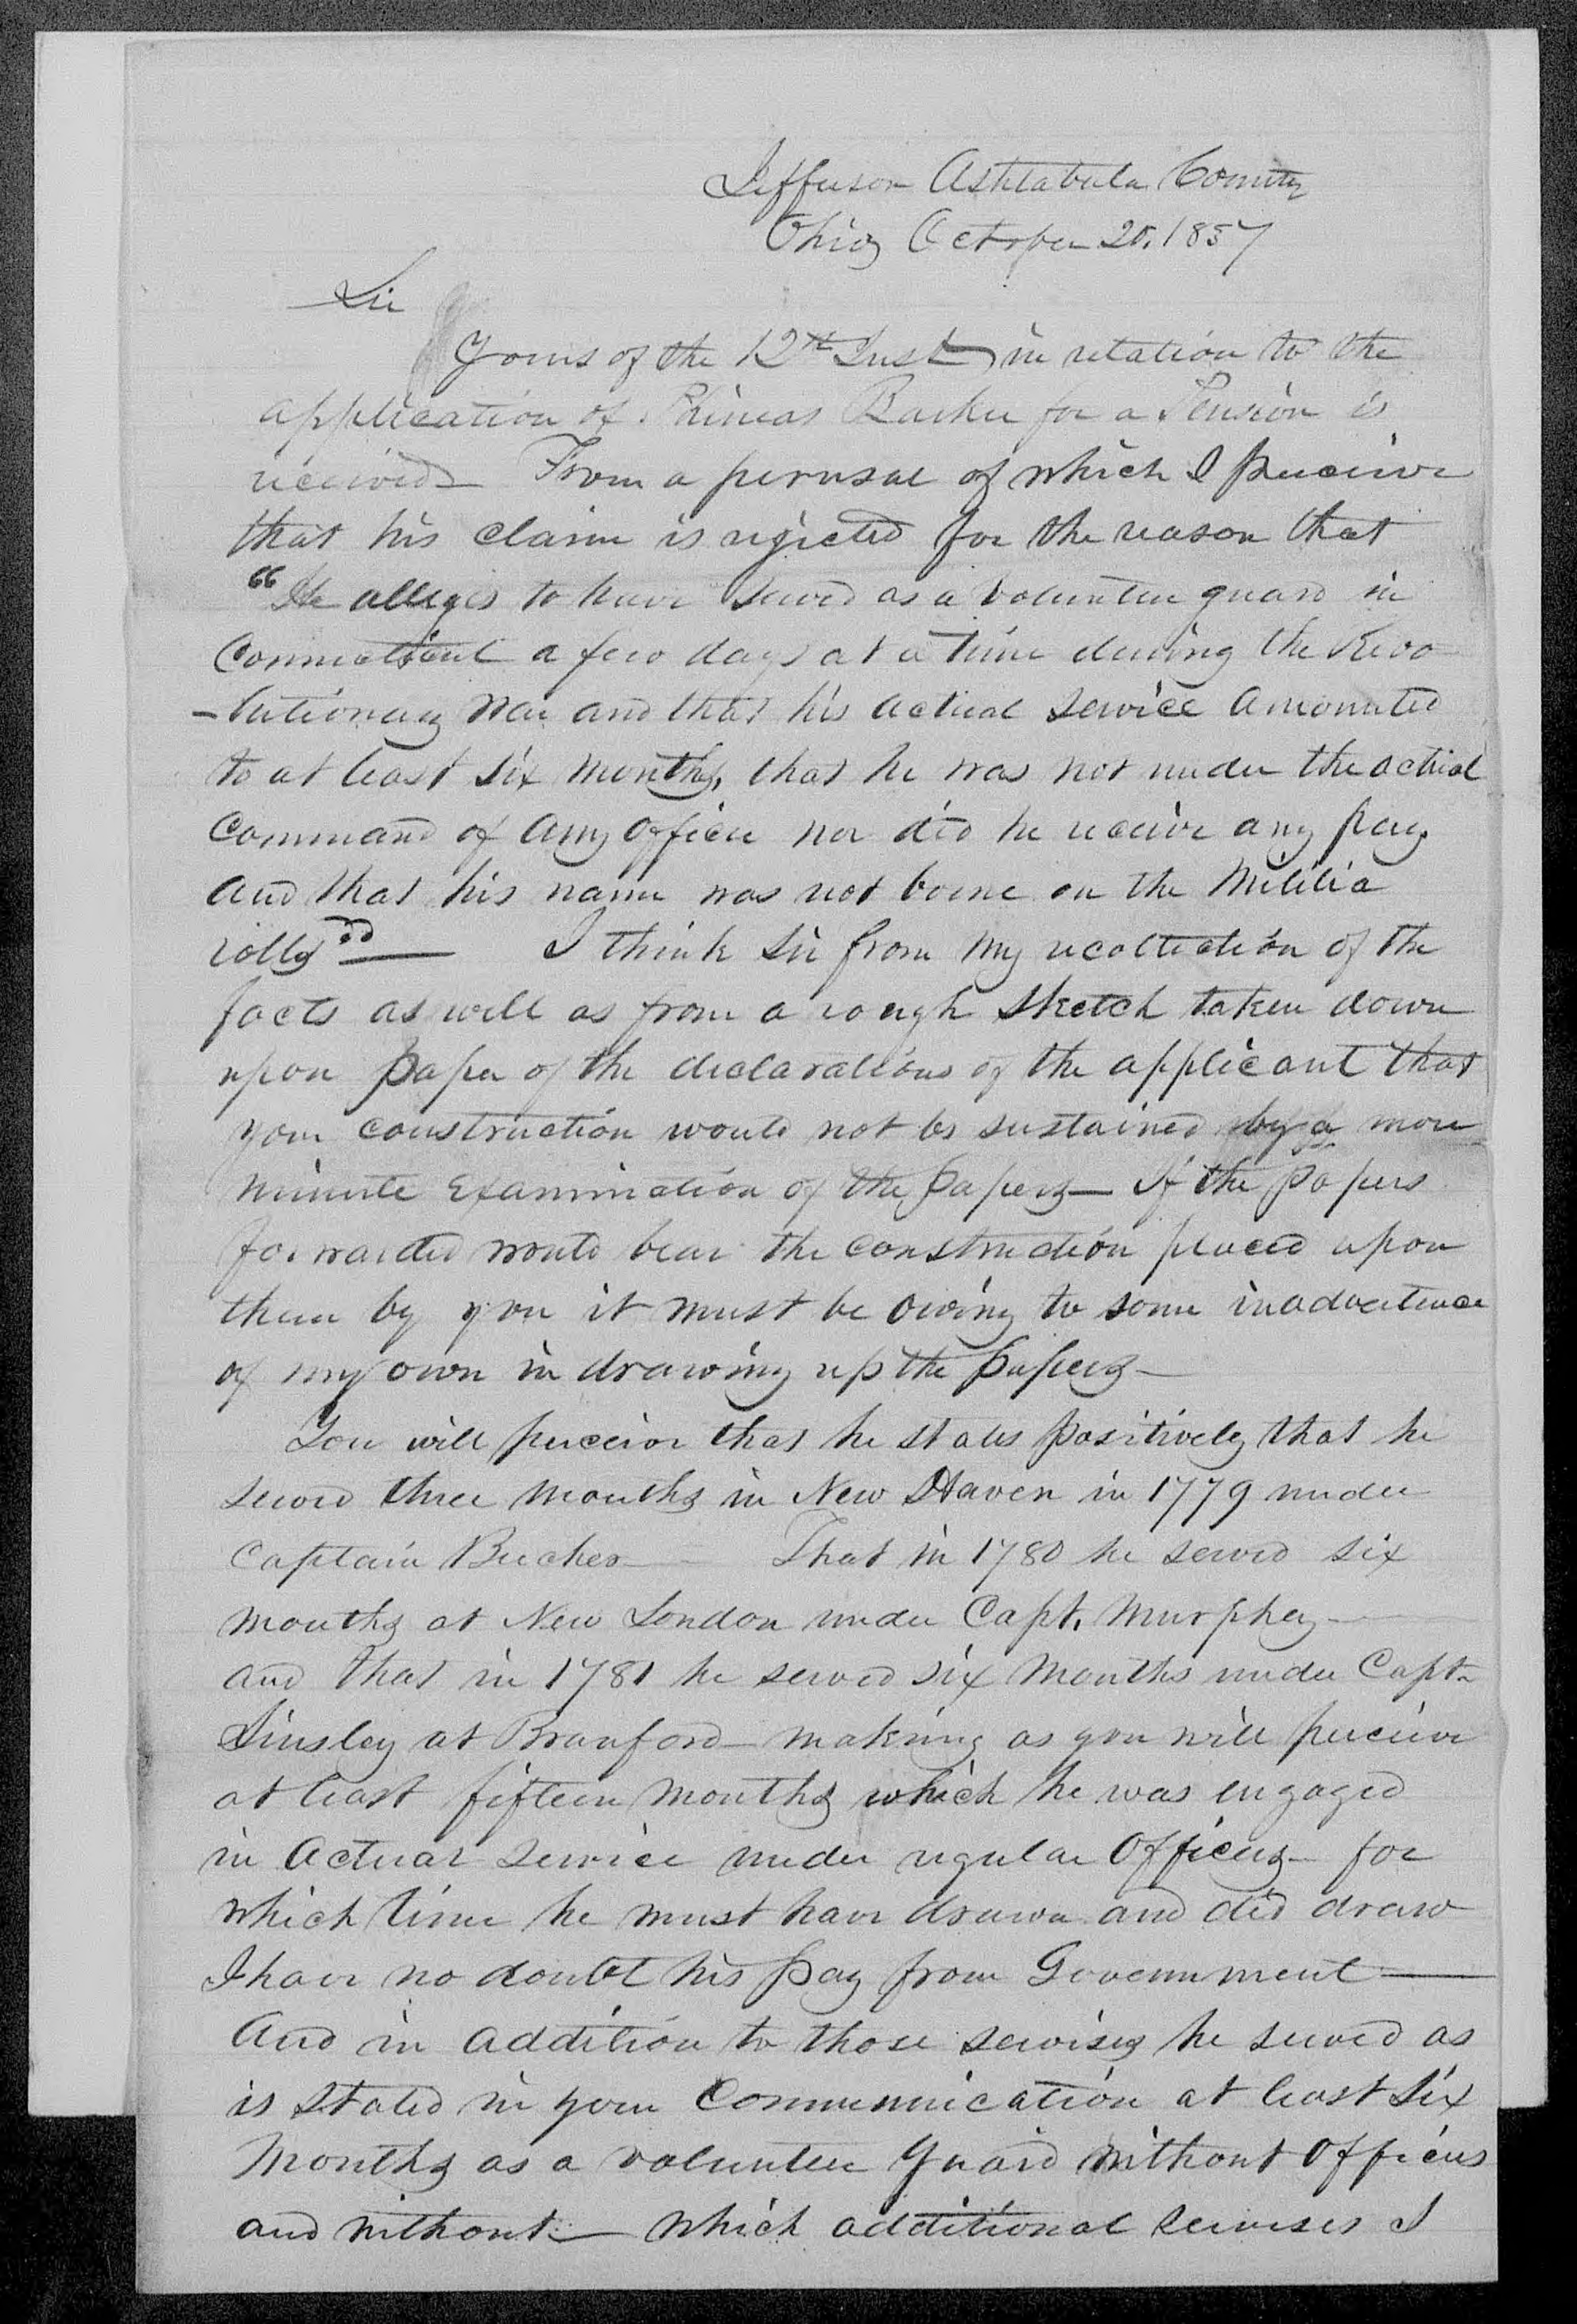Jefferson Ashtabula County Ohio October 20, 1837 
Sir
Yours of the 12 Inst in relation to the application of Phineas Barker for a Pension is received.  From a perusal of which I perceive that his claim is rejected for the reason that 
“He alleges to have served as a volunteer guard in Connecticut a few days at a time during the Revolutionary war and that his actual service amounted to at least six months, that he was not under the actual command of any officer nor did he receive any pay and that his name was not borne on the Militia Rolls” 
I think sir from my recollection of the facts as well as from a rough sketch taken down upon paper of the declarations of the applicant that your construction would not be sustained by a more minute examination of the papers. If the papers forwarded would bear the construction placed upon them by you it must be owing to some inadvertance of my own in drawing up the papers.   
You will perceive that he states positively that he served three months in New Haven in 1779 under Captain Bucher.   That in 1780 he served six months at New London under Capt. Murphey.  
And that in 1781 he served six months under Capt. Linsley at Branford, making as you will perceive at least fifteen months which he was engaged in actual service under regular officers for which time he must have drawn and did draw I have no doubt his pay from Government.   
And in addition to those servises he served as is stated in your communication at least Six months as a volunteer Guard without officers and without which additional services I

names: Bucher, Linsley, Phineas Barker, Murphey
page: 25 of 35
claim: rejected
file: R. 501, Phineas Barker, Conn. Privateer